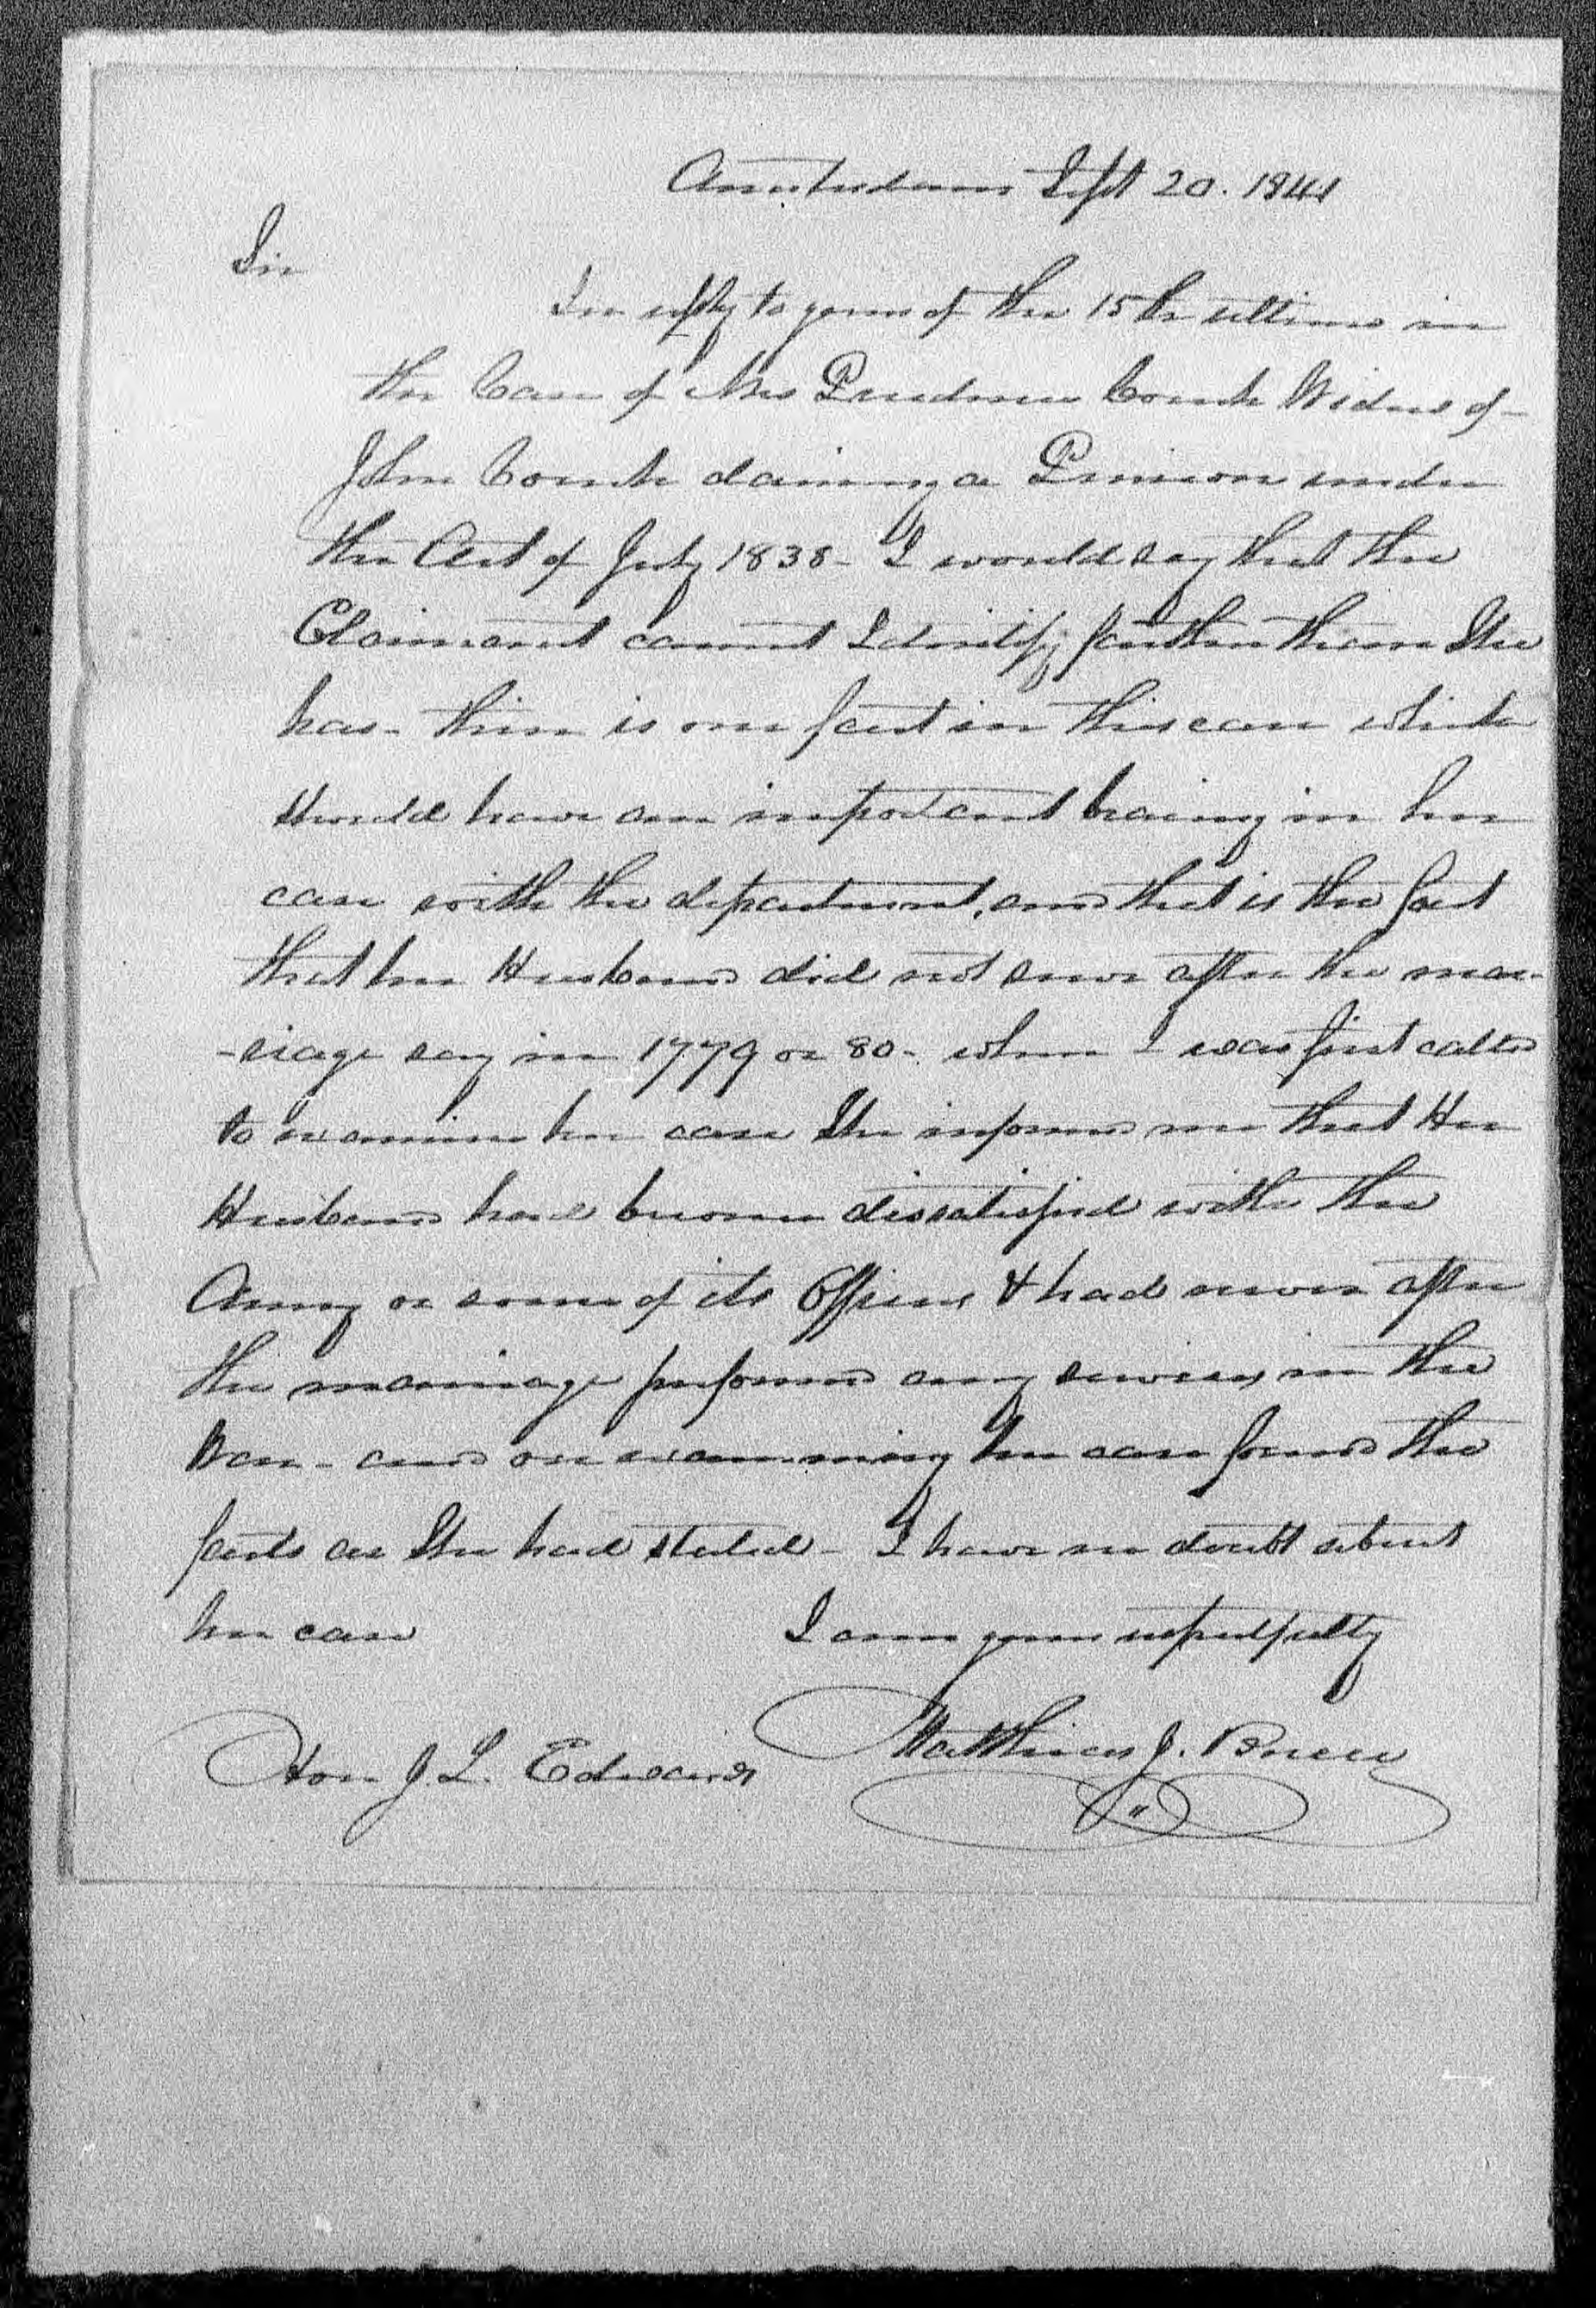Amsterdam Sept 20 1844

Sir
In reply to yours of the 15th [2 illegible words] the Case of Mrs. Prudence Couch widow of John Couch claiming a Pension under the Act of July 1838. I would say that the Claimant cannot identify further than she has . There is one fact in this case which should have an important bracing in her case with the department, and that is the fact that her Husband did not serve after the marriage say in 1779 or 1780. when I was first called to examine her case she informed me that her husband had [illegible word] dissatisfied with the Army of some of its Officers & had sworn after the marriage performed any services in the War and on examining her case found the facts as she had stated. I have no doubt about her case
I am yours respectfully
Matthias J. Bovey


Hon J.L. Edwards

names: Prudence Couch, John Couch, Matthias J Bovee, J L Edwards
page: 55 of 68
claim: rejected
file: R. 2,360, John Couch, Conn.